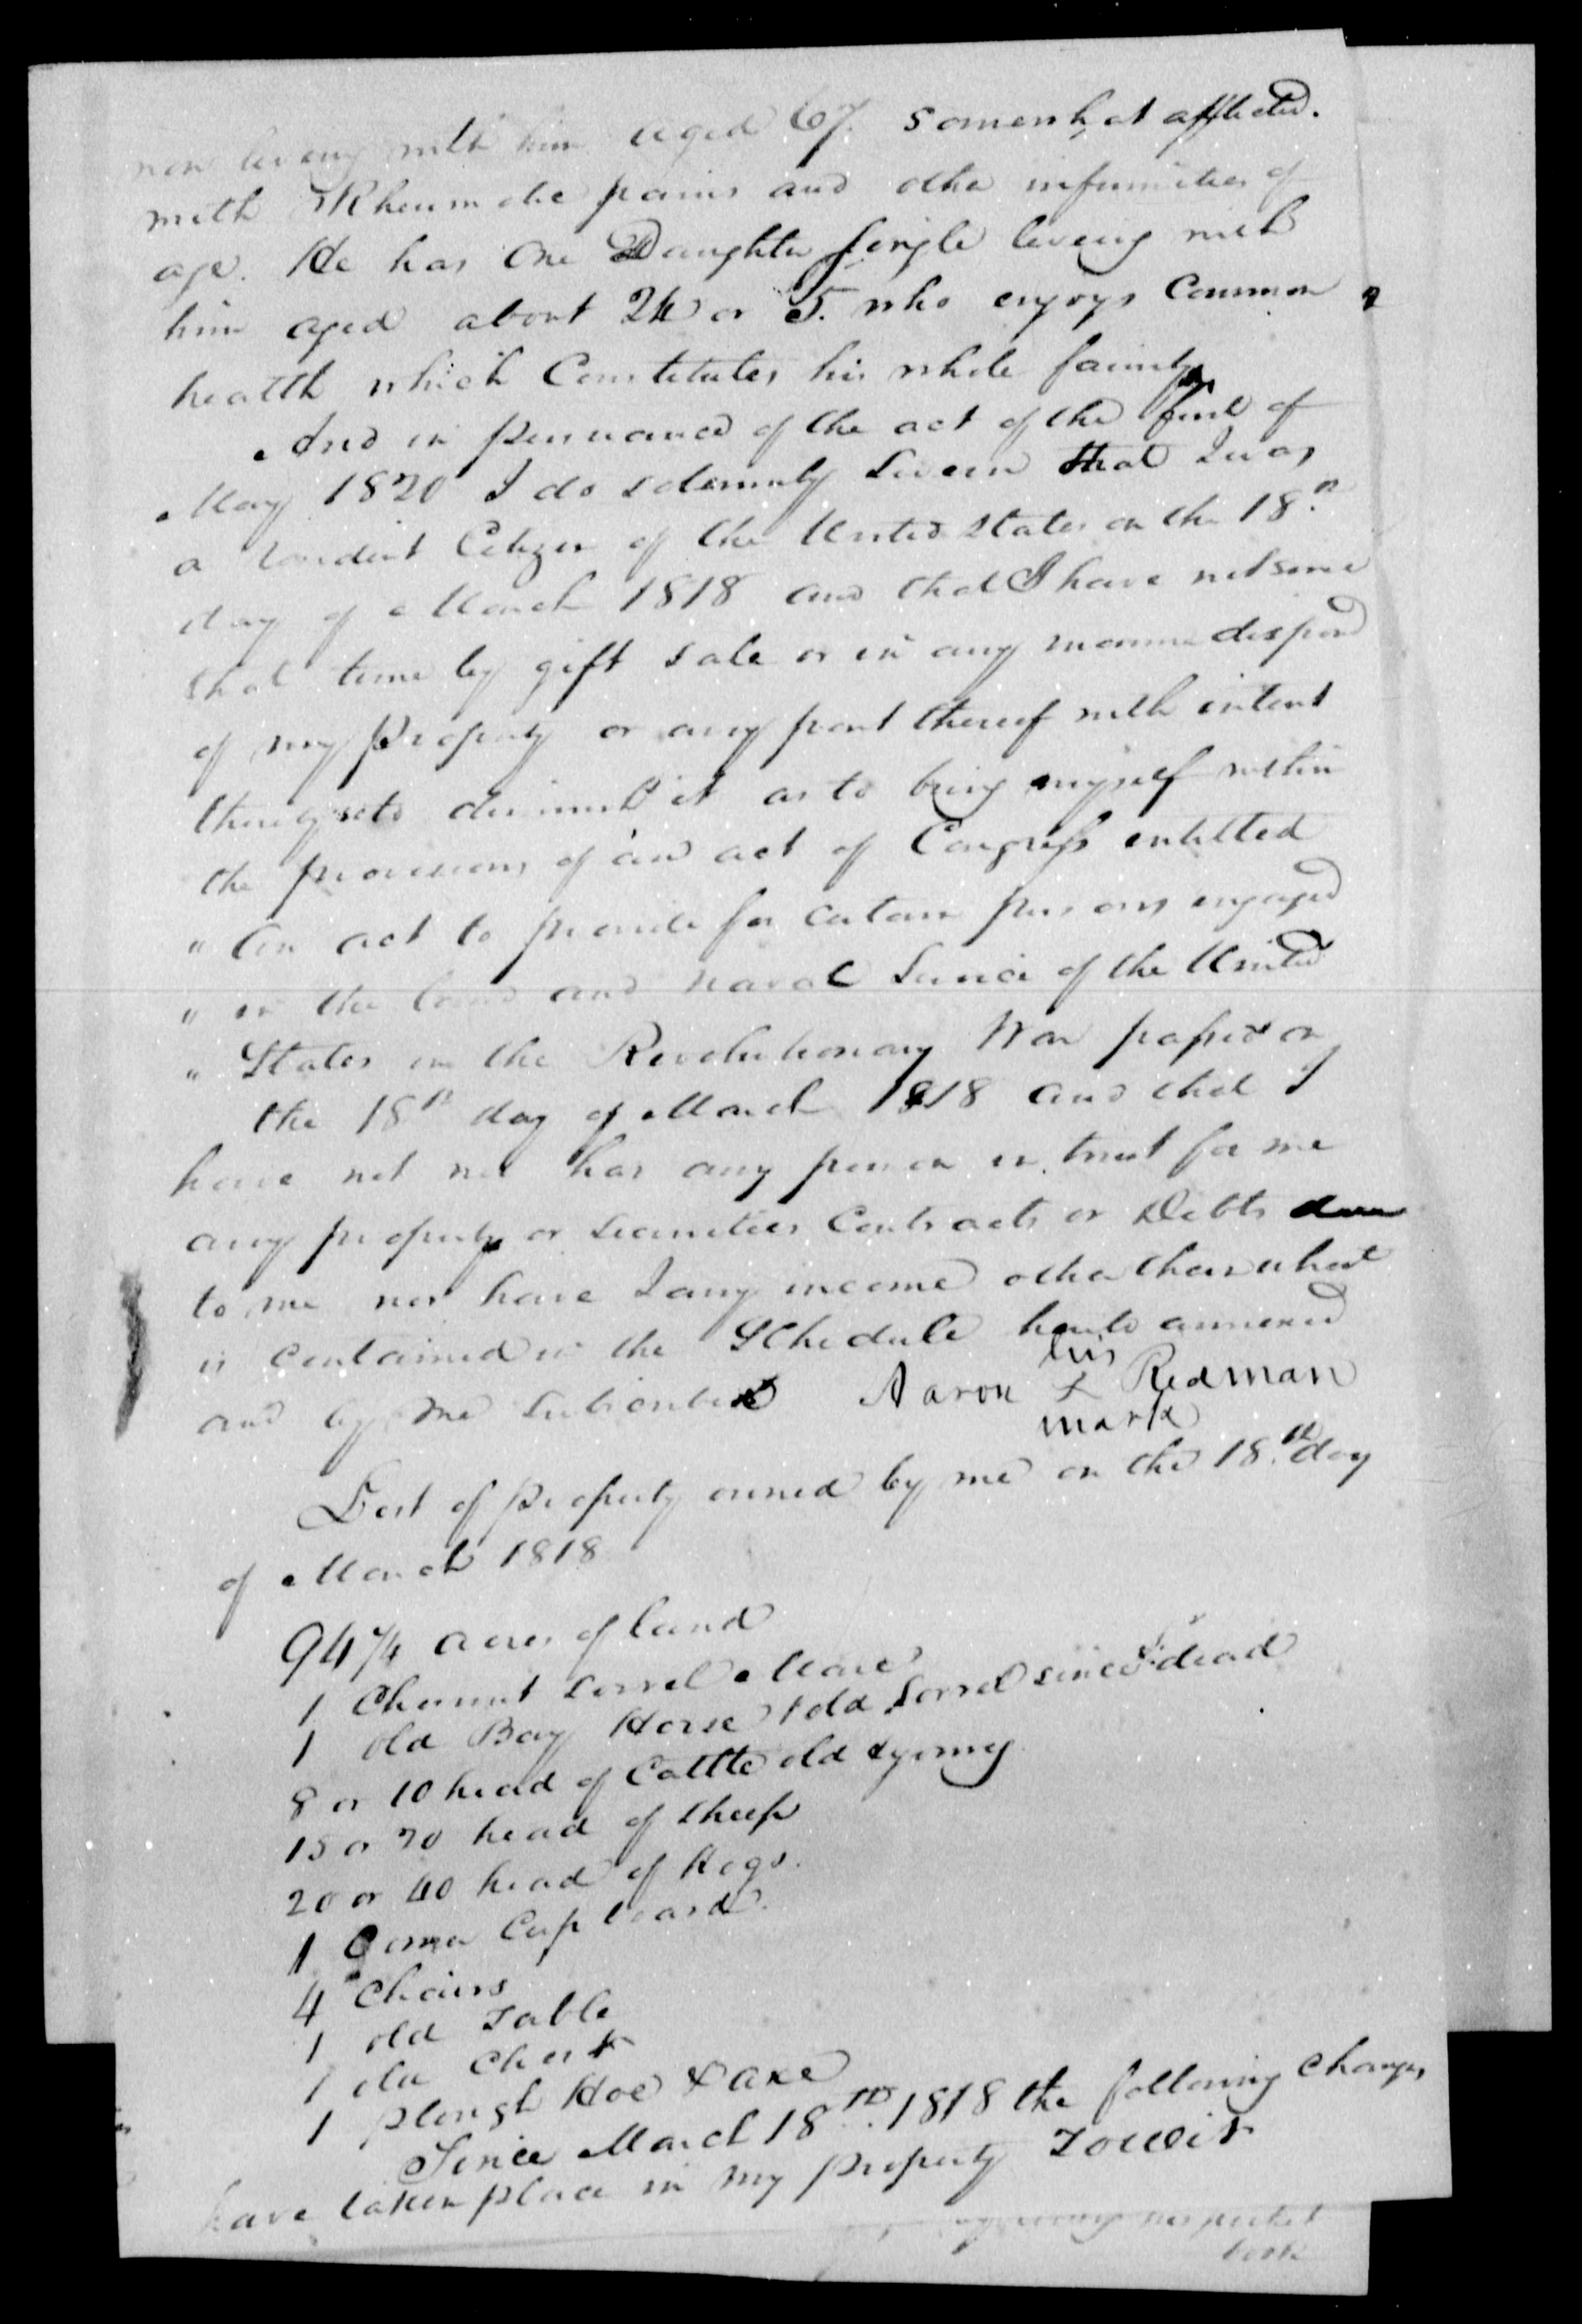now living with him aged 67 somewhat afflicted with Rhematic pains and other infirmities of age. He has One Daughter Single living with him aged about 24 or 5. who enjoys Common health which Constitutes his whole family
And in pursuance of the act of the first of May 1820 I do solemnly swear that I was a resident Citizen of the United States on the 18th day of March 1818 and that I have not since that time by gift sale or in any manner disposed of my property or any part thereof with intent thereby so to diminish it as to bring myself within the provisions of an act of Congress entitled "An Act to provide for certain persons engaged in the land and naval Service of the United States in the Revolutionary War passed on the 18th day of March 1818 and that I have not nor has any person in trust for me any property or securities Contracts or Debts due to me nor have I any income other than what is contained in the Schedule hereto annexed and by me Subscribed Aaron Redman x his mark
List of property owned by me on the 18th day of March 1818
94 1/4 acres of land
1 Chestnut Sorrel Mare
1 old Bay Horse 1 old Sorrel since dead
8 or 10 head of Cattle old & young
15 or 20 head of sheep
20 or 40 head of Hogs
1 corner Cupboard
4 Chairs
1 old Table
1 old Chest
1 plough Hoe & axe
Since March 18th 1818 the following changes have taken place in my property to wit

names: Aaron Redman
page: 6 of 57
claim: widow's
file: W. 9,622, for Aaron Redman, Virginia